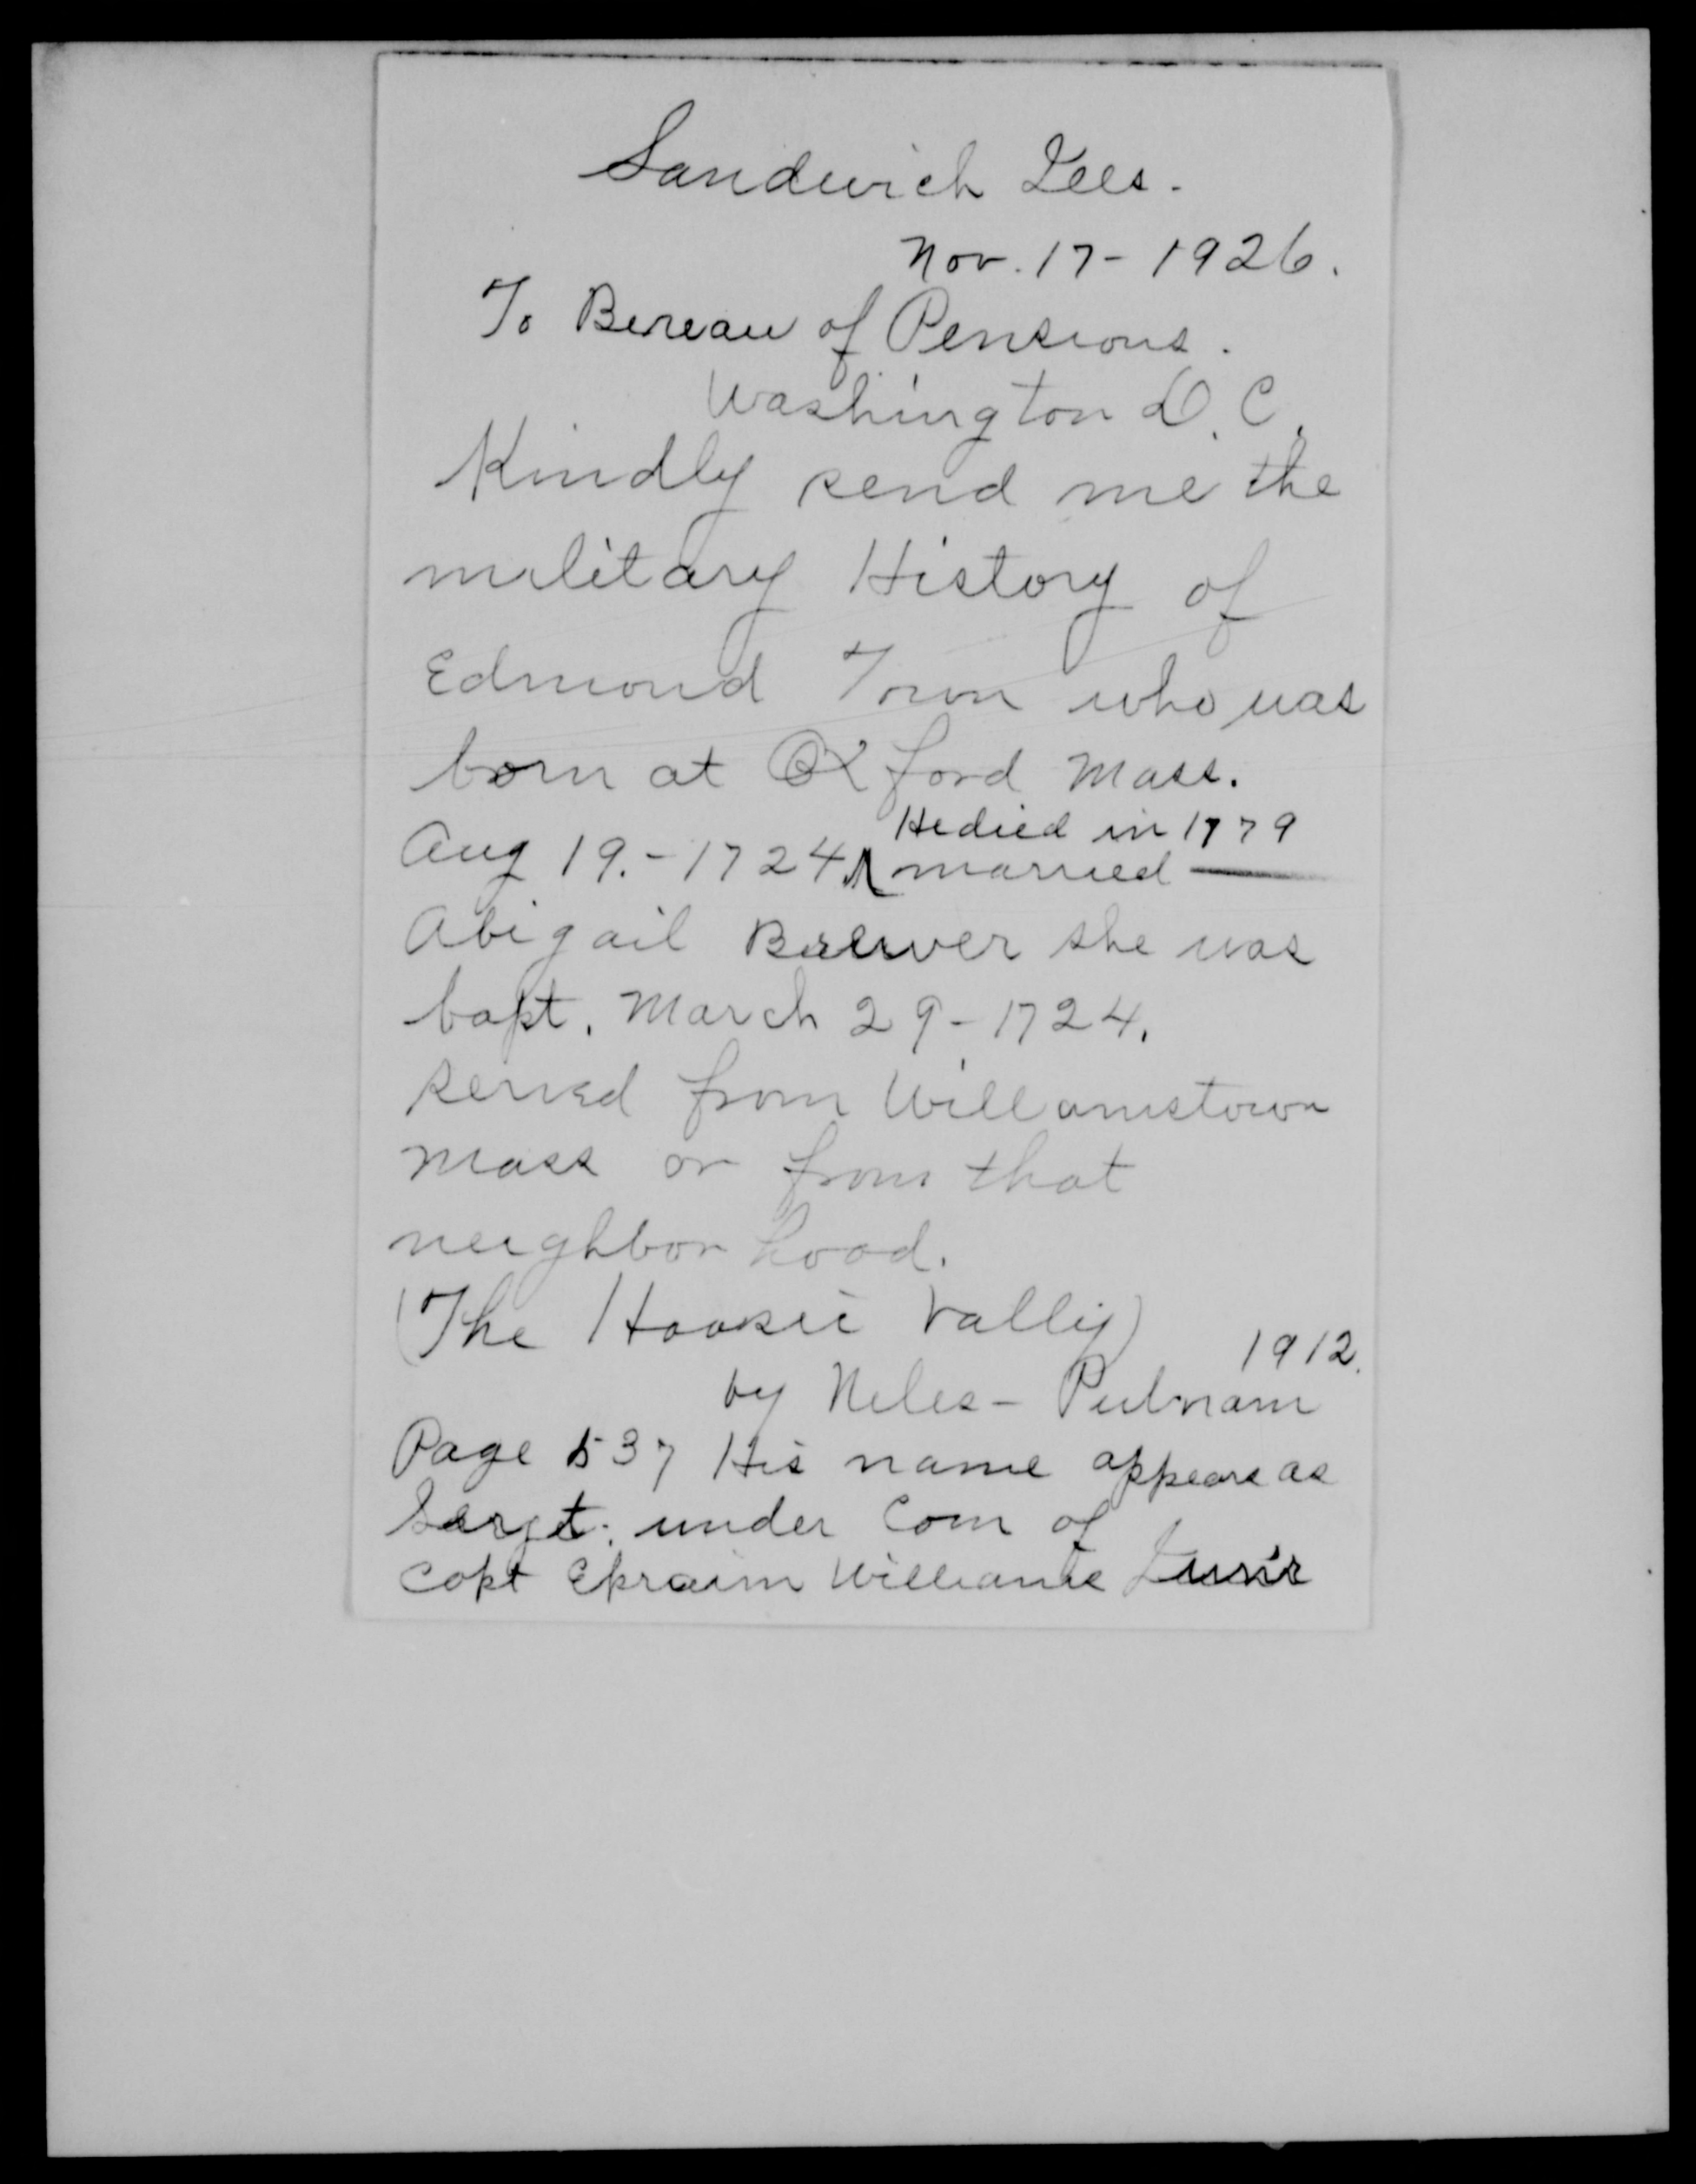Sandwich Ills.
Nov. 17-1926

To Bureau of Pensions
Washington D. C. 

Kindly send me the military History of Edmond Town who was born at Oxford Mass. Aug. 19-1724. He died in 1779. Married Abigail Brewer she was Bapt. March 29, 1724. Served from Williamstown Mass or from that neighborhood.
The Hoosier Vally by Niles Putnam 1912
Page b-37 his name appears as Sargt. under com. of Capt. Ephraim Williams Junior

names: Niles Putnam, Edmond Town, Ephraim Williams, Abigail Brewer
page: 21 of 64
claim: widow's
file: W. 5831, Edmund Town, Mass.